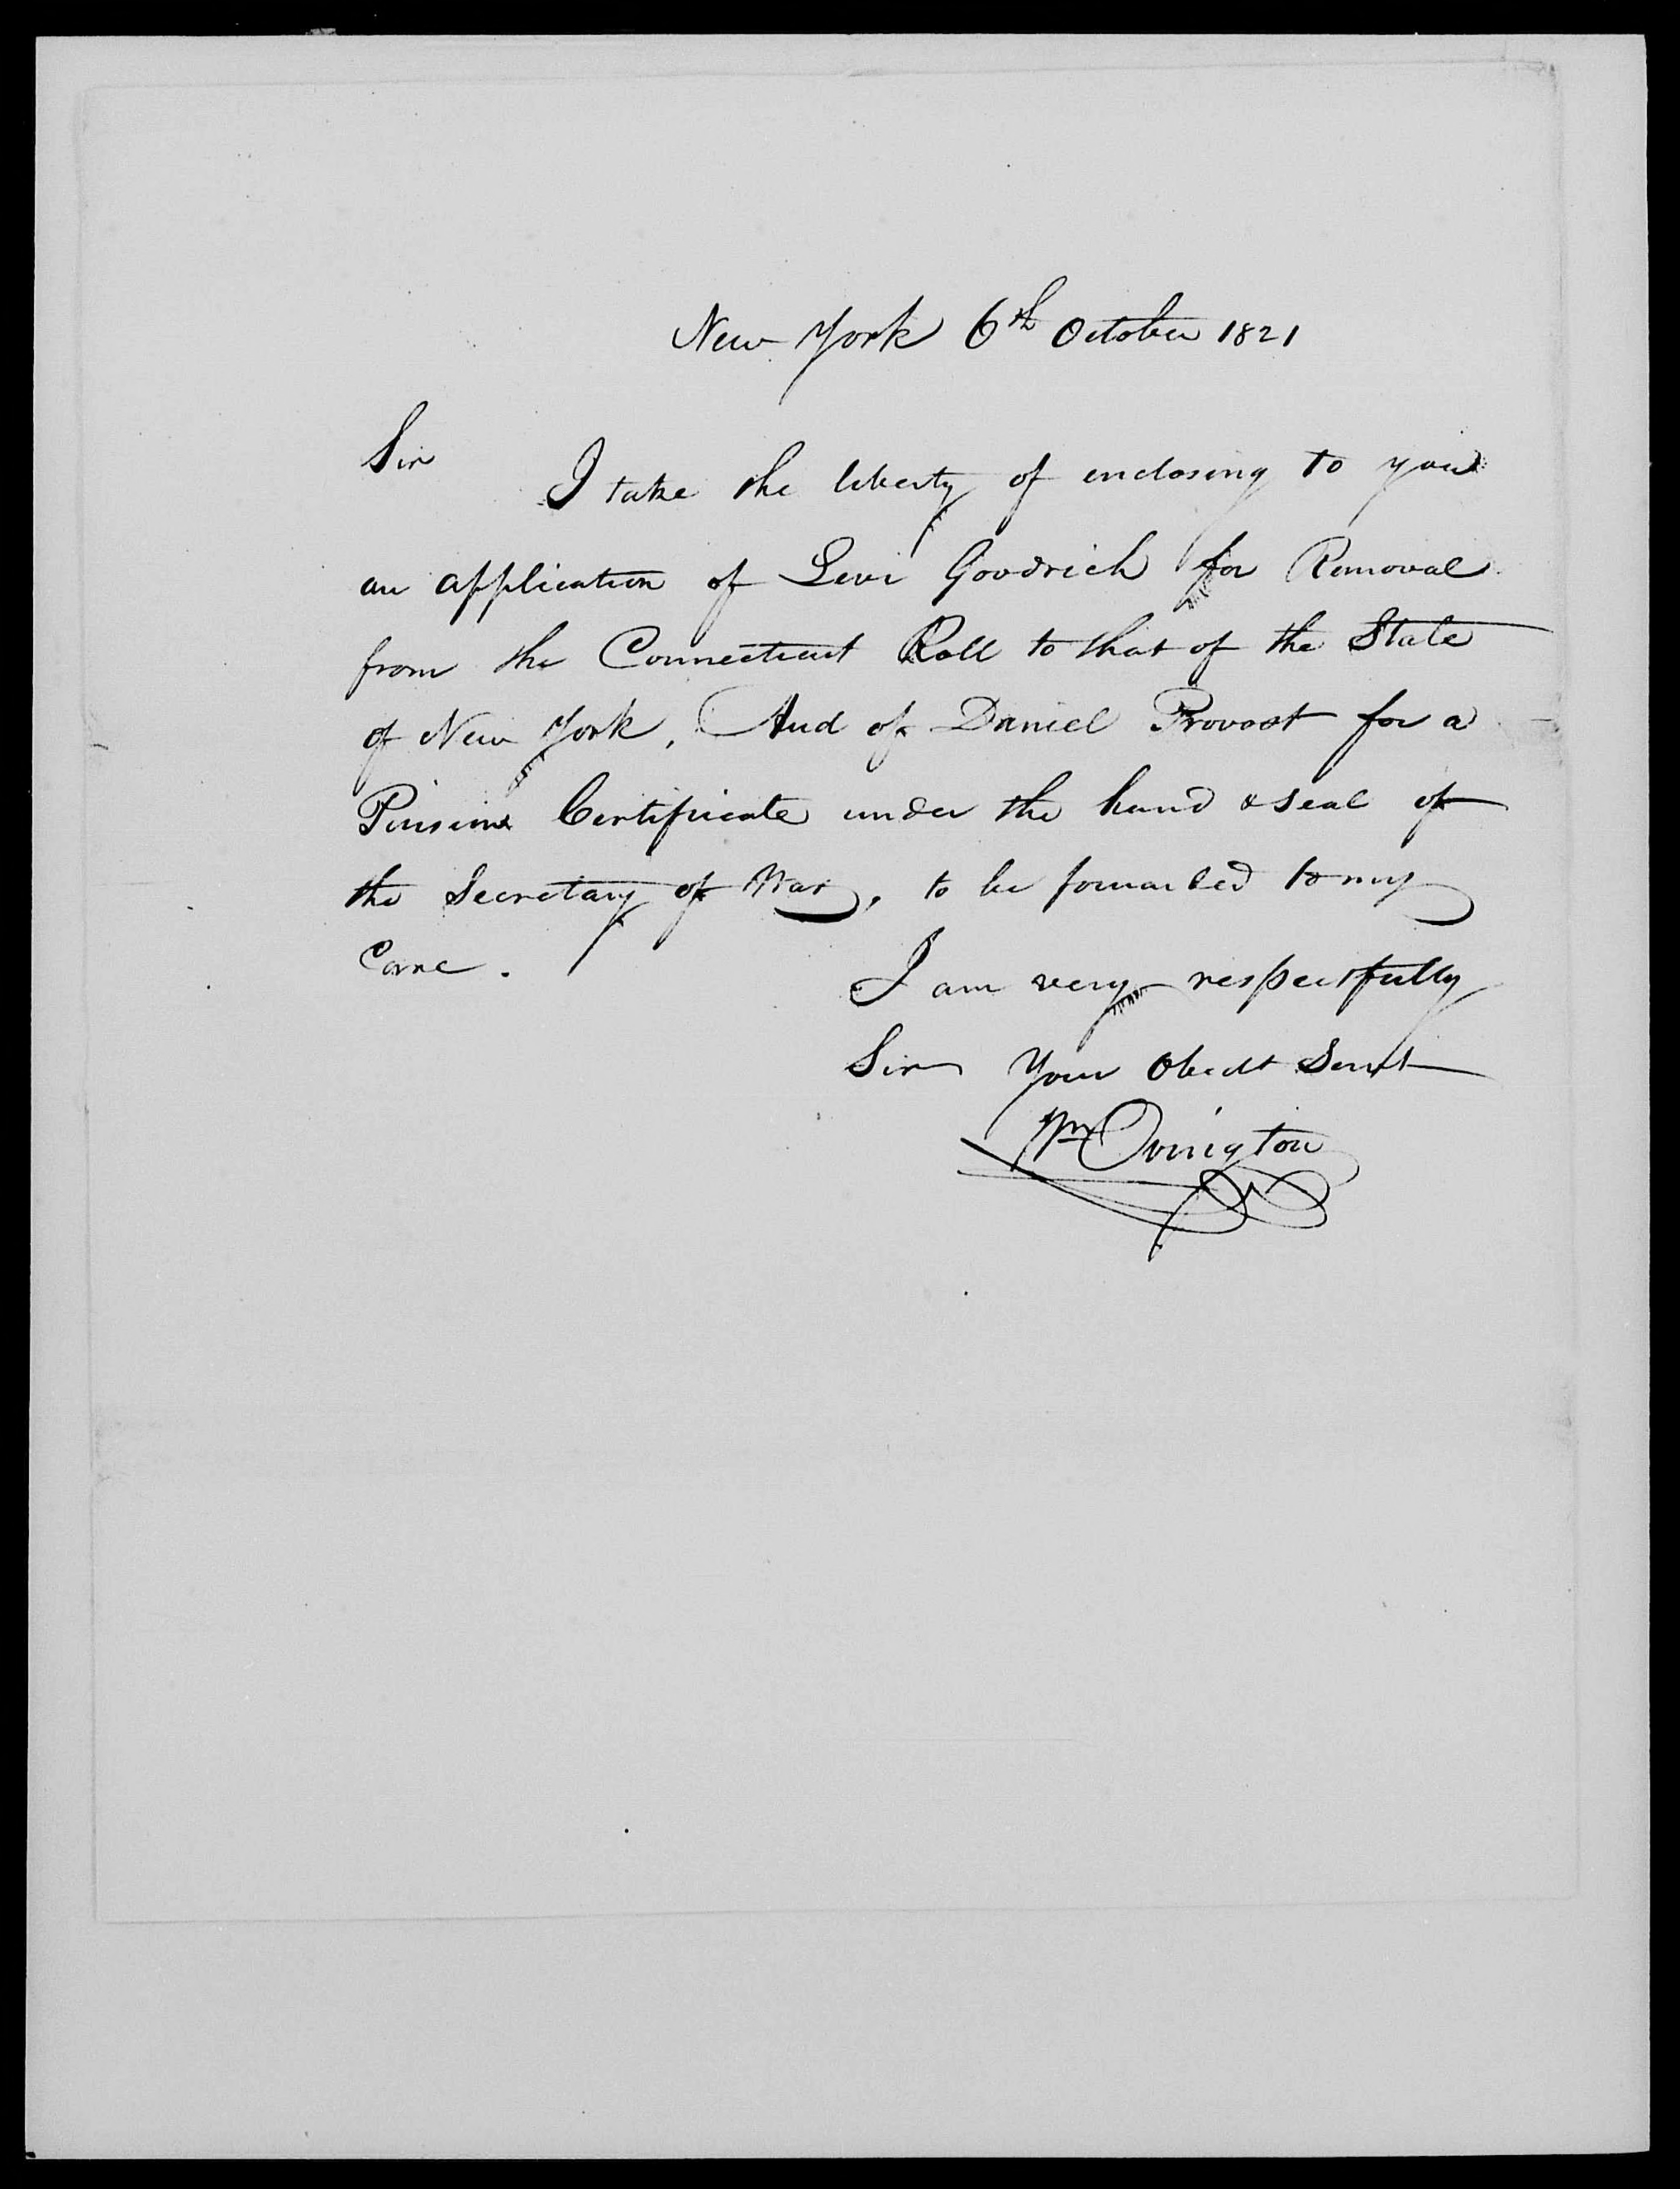New York 6th October 1821
Sir
I take the liberty of enclosing to you
an application of Levi Goodrich for Removal
from the Connecticut Roll to that of the State  
of New York. And of Daniel Provost for a
Pension Certificate under the hand & seal of
the Secretary of War, to be forwarded to my
Care.
I am very respectfully
Sir your Obed Sent
Wm Ovington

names: Levi Goodrich; Wm Ovington; Daniel Provost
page: 13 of 24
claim: survivor's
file: S. 20,926, for Daniel Provost, Connecticut